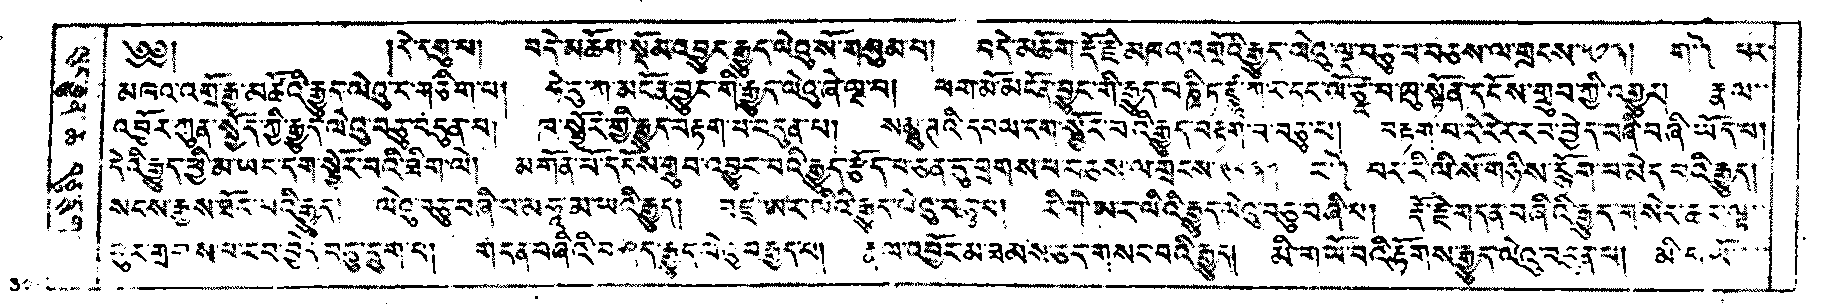༄༅། །རེ་དགུ་པ། བདེ་མཆོག་སྡོམ་འབྱུང་རྒྱུད་ལེའུ་སོ་གསུམ་པ། བདེ་མཆོག་རྡོ་རྗེ་མཁའ་འགྲོའི་རྒྱུད་ལེའུ་ལྔ་བཅུ་པ་བཅས་ལ་གྲངས ༥༡༣། ག྄་པར་
མཁའ་འགྲོ་རྒྱ་མཚོའི་རྒྱུད་ལེའུ་ང་གཅིག་པ། ཧེ་རུ་ཀ་མངོན་བྱུང་གི་རྒྱུད་ལེའུ་ཞེ་ལྔ་པ། ཕག་མོ་མངོན་བྱུང་གི་རྒྱུད་པཎྜི་ཏ་ཛྙཱ་ཀ་ར་དང་ལོ་ཙཱ་པ་ཁུ་སྟོན་དངོས་གྲུབ་ཀྱི་འགྱུར། །རྣལ་
འབྱོར་ཀུན་སྤྱོད་ཀྱི་རྒྱུད་ལེའུ་བཅུ་བདུན་པ། ཁ་སྦྱོར་གྱི་རྒྱུད་བརྟག་པ་བདུན་པ། སམྦུ་ཊའི་དཔལ་ངག་སྦྱོར་བའི་རྒྱུད་བརྟག་པ་བཅུ་པ། བརྟག་པ་རེ་རེར་རབ་བྱེད་བཞི་བཞི་ཡོད་པ།
དེའི་རྒྱུད་ཕྱི་མ་ཡང་དག་སྦྱོར་བའི་ཐིག་ལེ། མགོན་པོ་དངོས་གྲུབ་འབྱུང་བའི་རྒྱུད་རྩོད་པ་ཅན་དུ་གྲགས་པ་བཅས་ལ་གྲངས ༤༨༣། ང྄་པར་རི་ལི་སོ་གཉིས་རྙོག་པ་མེད་པའི་རྒྱུད།
སངས་རྒྱས་ཐོད་པའི་རྒྱུད། ལེའུ་བཅུ་བཞི་པ་མཧཱ་མ་ཡའི་རྒྱུད། བཛྲ་ཨ་ར་ལིའི་རྒྱུད་ལེའུ་བཅུ་པ། རི་གི་ཨ་ར་ལིའི་རྒྱུད་ལེའུ་བཅུ་བཞི་པ། རྡོ་རྗེ་གདན་བཞིའི་རྒྱུད་གསེར་ཆར་ལྟ་
བུར་གྲགས་པ་རབ་བྱེད་བཅུ་དྲུག་པ། གདན་བཞིའི་བཤད་རྒྱུད་ལེའུ་བརྒྱད་པ། རྣལ་འབྱོར་མ་ཐམས་ཅད་གསང་བའི་རྒྱུད། མི་གཡོ་བའི་རྟོགས་རྒྱུད་ལེའུ་བདུན་པ། མི་གཡོ་